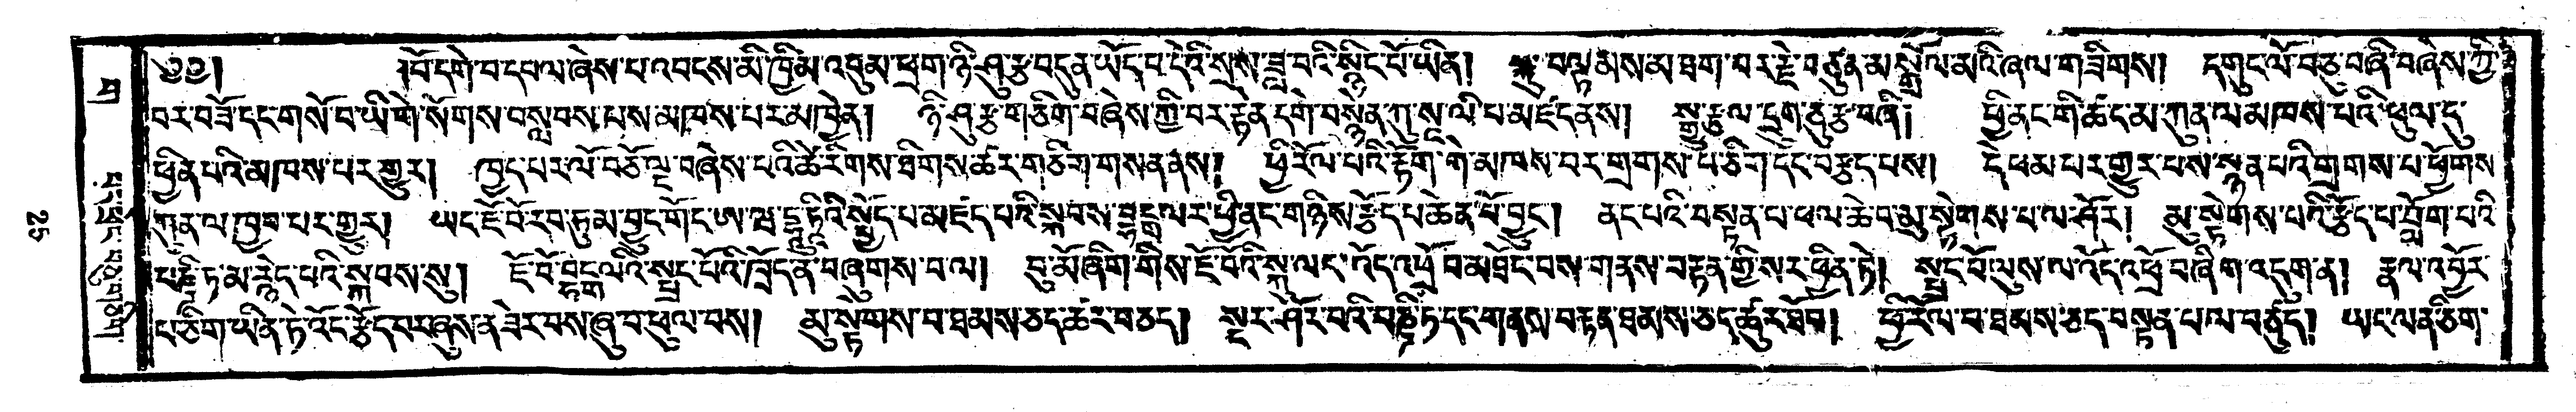༄༅། །བོ་དགེ་བ་དཔལ་ཞེས་པ་འབངས་མི་ཁྱིམ་འབུམ་ཕྲག་ཉི་ཤུ་རྩ་བདུན་ཡོད་པ་དེའི་སྲས་ཟླ་བའི་སྙིང་པོ་ཡིན། སྐུ་བལྟམས་མ་ཐག་པར་རྗེ་བཙུན་མ་སྒྲོལ་མའི་ཞལ་གཟིགས། དགུང་ལོ་བཅུ་བཞི་བཞེས་ཀྱི་
བར་བཟོ་དང་གསོ་བ་ཡི་གེ་སོགས་བསླབས་པས་མཁས་པར་མཁྱེན། ཉི་ཤུ་རྩ་གཅིག་བཞེས་ཀྱི་བར་རྟེན་དགེ་བསྙེན་ཀུ་སཱ་ལི་པ་མཛད་ནས། སྒྱུ་རྩལ་དྲུག་ཅུ་རྩ་བཞི། ཕྱི་ནང་གི་ཚང་མ་ཀུན་ལ་མཁས་པའི་ཕུལ་དུ་
ཕྱིན་པའི་མཁས་པར་གྱུར། ཁྱད་པར་ལོ་བཅོ་ལྔ་བཞེས་པའི་ཚེ་རིགས་ཐིགས་ཚར་གཅིག་གསན་ནས། ཕྱི་རོལ་པའི་རྟོག་གེ་མཁས་པར་གྲགས་པ་ཅིག་དང་བརྩད་པས། དེ་ཕམ་པར་གྱུར་པས་སྙན་པའི་གྲགས་པ་ཕྱོགས་
ཀུན་ལ་ཁྱབ་པར་གྱུར། ཡང་ཇོ་བོ་རབ་ཏུ་མ་བྱུང་གོང་ཨ་ཝ་དྷཱུ་ཏཱིའི་སྤྱོད་པ་མཛད་པའི་སྐབས་བྷངྒ་ལར་ཕྱི་ནང་གཉིས་རྩོད་པ་ཆེན་པོ་བྱུང་། ནང་པའི་བསྟན་པ་ཕལ་ཆེ་བ་མུ་སྟེགས་པ་ལ་ཤོར། མུ་སྟེགས་པའི་རྩོད་པ་བློག་པའི་
པཎྜི་ཏ་མ་རྙེད་པའི་སྐབས་སུ། ཇོ་བོ་བྷངྒ་ལའི་སྤྲང་པོའི་ཁྲོད་ན་བཞུགས་བ་ལ། བུ་མོ་ཞིག་གིས་ཇོ་བོའི་སྐུ་ལང་འོད་འཕྲོ་བ་མཐོང་བས་གནས་བརྟན་གྱི་སར་ཕྱིན་ཏེ། སྤྲང་པོ་ལུས་ལ་འོད་འཕྲོ་བ་ཞིག་འདུག་ན། རྣལ་འབྱོར་
པ་ཅིག་ཡིན་ཏེ་འོང་རྩོད་པར་ཞུས་ན་ཟེར་བས་ཞུ་བ་ཕུལ་བས། མུ་སྟེགས་བ་ཐམས་ཅད་ཚར་བཅད། སྔར་ཤོར་བའི་པཎྜི་ཏ་དང་གནས་བརྟན་ཐམས་ཅད་ཚུར་ཐོབ། ཕྱི་རོལ་པ་ཐམས་ཅད་བསྟན་པ་ལ་བཙུད། ཡང་ལན་ཅིག་